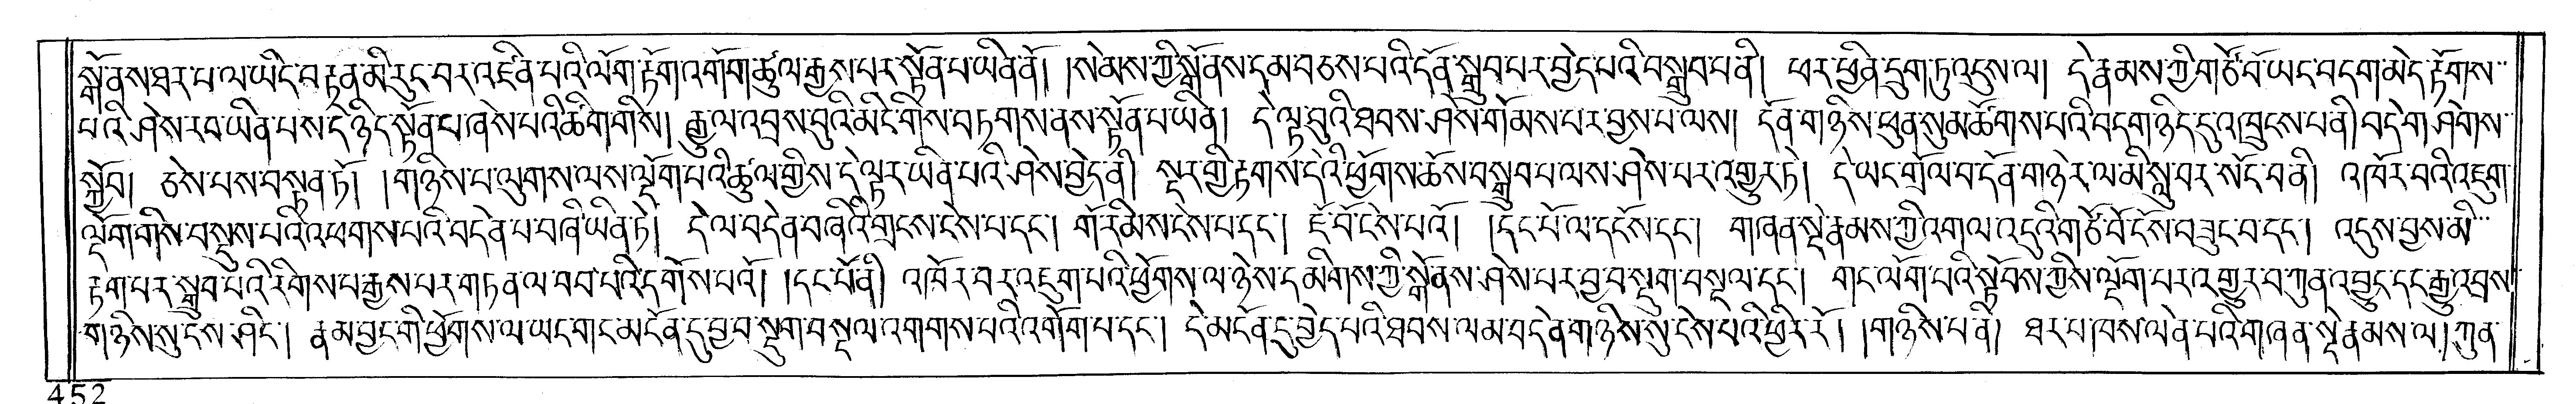སྒོ་ནས་ཐར་པ་ལ་ཡིད་བརྟན་མི་རུང་བར་འཛིན་པའི་ལོག་རྟོག་འགོག་ཚུལ་རྒྱས་པར་སྟོན་པ་ཡིན་ནོ། །སེམས་ཀྱི་སྒོ་ནས་དམ་བཅས་པའི་དོན་སྒྲུབ་པར་བྱེད་པའི་བསྒྲུབ་པ་ནི། ཕར་ཕྱིན་དྲུག་ཏུ་འདུས་ལ། དེ་རྣམས་ཀྱི་གཙོ་བོ་ཡང་བདག་མེད་རྟོགས་
པའི་ཤེས་རང་ཡིན་པས་དེ་ཉིད་སྟོན་པ་ཞེས་པའི་ཚིག་གིས། རྒྱུ་ལ་འབྲས་བུའི་མིང་གིས་བཏགས་ནས་སྟོན་པ་ཡིན། དེ་ལྟ་བུའི་ཐབས་ཤེས་གོམས་པར་བྱས་པ་ལས། དོན་གཉིས་ཕུན་སུམ་ཚོགས་པའི་བདག་ཉིད་དུ་འཁྲུངས་པ་ནི། བདེ་གཤེགས་
སྐྱོབ། ཅེས་པས་བསྟན་ཏོ། །གཉིས་པ་ལུགས་ལས་ལྡོག་པའི་ཚུལ་གྱིས་དེ་ལྟར་ཡིན་པའི་ཤེས་བྱེད་ནི། སྔར་གྱི་རྟགས་དེའི་ཕྱོགས་ཆོས་བསྒྲུབ་པ་ལས་ཤེས་པར་འགྱུར་ཏེ། དེ་ཡང་གྲོལ་བ་དོན་གཉེར་ལ་མི་སླུ་བར་སོང་བ་ནི། འཁོར་བའི་འཇུག་
ལྡོག་གིས་བསྡུས་པའི་འཕགས་པའི་བདེན་པ་བཞི་ཡིན་ཏེ། དེ་ལ་བདེན་བཞིའི་གྲངས་ངེས་པ་དང་། གོ་རིམས་ངེས་པ་དང་། ངོ་བོ་ངེས་པའོ། །དང་པོ་ལ་དངོས་དང་། གཞན་སྡེ་རྣམས་ཀྱི་འགལ་འདུའི་གཙོ་བོ་ངོས་བཟུང་བ་དང་། འདུས་བྱས་མི་
རྟག་པར་སྒྲུབ་པའི་རིགས་པ་རྒྱས་པར་གཏན་ལ་ཕབ་པའི་དགོས་པའོ། །དང་པོ་ནི། འཁོར་བར་འཇུག་པའི་ཕྱོགས་ལ་ཉེས་དམིགས་ཀྱི་སྒོ་ནས་ཤེས་པར་བྱ་བ་སྡུག་བསྔལ་དང་། གང་ལོག་པའི་སྟོབས་ཀྱིས་ལྡོག་པར་འགྱུར་བ་ཀུན་འབྱུང་དང་རྒྱུ་འབྲས་
གཉིས་སུ་ངེས་ཤིང་། རྣམ་བྱང་གི་ཕྱོགས་ལ་ཡང་གང་མངོན་དུ་བྱ་བ་སྡུག་བསྔལ་འགགས་པའི་འགོག་པ་དང་། དེ་མངོན་དུ་བྱེད་པའི་ཐབས་ལམ་བདེན་གཉིས་སུ་ངེས་པའི་ཕྱིར་རོ། །གཉིས་པ་ནི། ཐར་པ་ཁས་ལེན་པའི་གཞན་སྡེ་རྣམས་ལ། ཀུན་